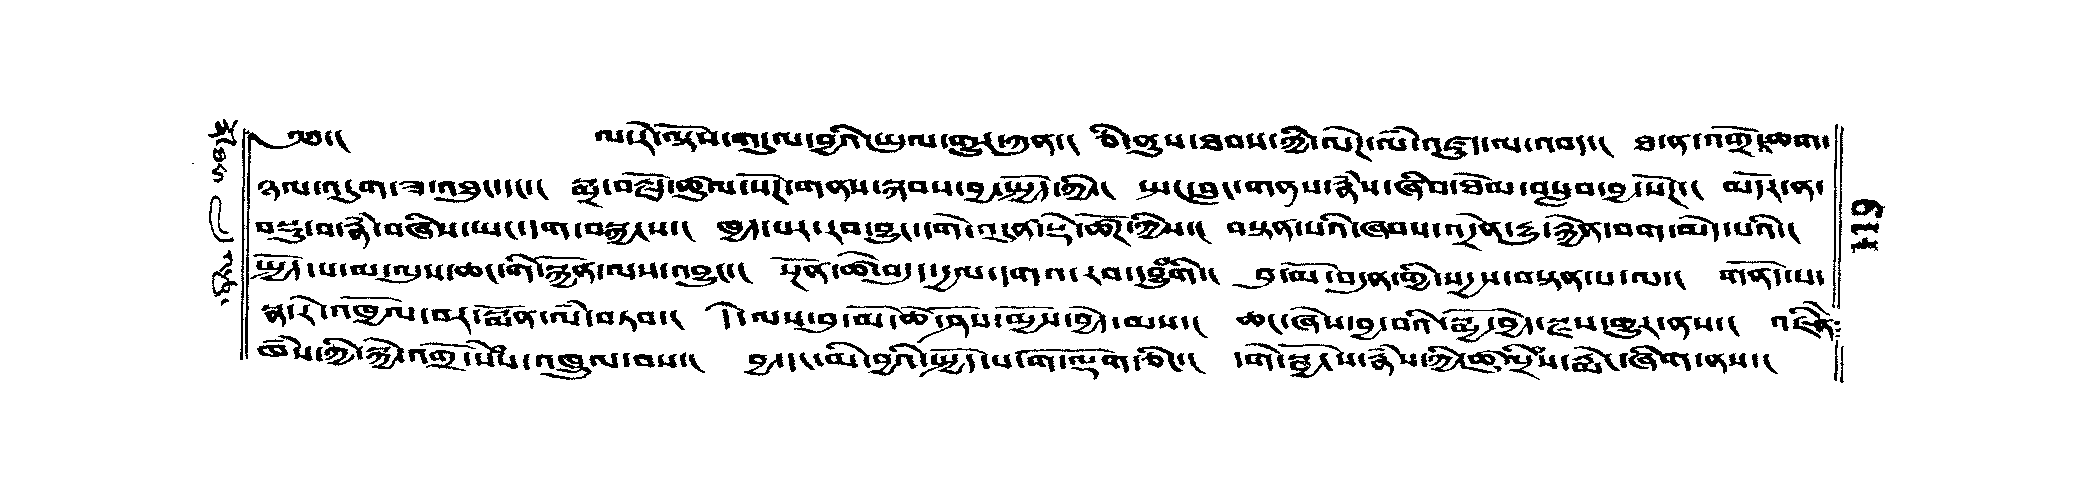ལ་རེ་ལྟོས་གདུལ་བྱའི་ཡུལ་གྱུར་ཀུན། །ཅི་ནུས་ཐབས་ཀྱི་ལེགས་ལམ་འཛུད་ལ་འབད། ཐ་ན་འགྲོ་འཆག་
ཉལ་འདུག་ཟ་འཐུང་དང་། །སྨྲ་བརྗོད་ཚུལ་སོགས་གནས་སྐབས་བྱ་སྤྱོད་ཀྱི། །སྤང་བླང་གནས་རྣམས་ཞིབ་ཐེམ་བསླབ་བྱ་སོགས། །མདོར་ན་
བསྡུ་བ་རྣམ་བཞིས་ཡང་དག་བསྐྱངས། །ཁྱད་པར་རབ་བྱུང་དགེ་འདུན་སྡེ་ཚོགས་ཀྱིས། །བསྟན་པའི་ཞབས་འདྲེན་རྒྱུ་རྐྱེན་བག་མེད་པའི། །
སྤྱོད་པ་མ་ལུས་ཆང་གི་སྐྱོན་ལས་འབྱུང་། །སྔོན་ཚེ་བདུད་རྒྱལ་དགའ་རབ་དབང་ཕྱུག་གི །བུ་མོ་བདུན་གྱི་སངས་རྒྱས་བསྟན་པ་ལ། །གནོད་པ་
སྣ་རེ་འཁྱོལ་བར་སྨོན་ལམ་བཏབ། །དེ་ལས་བུ་མོ་ཆེ་ཤོས་མྱོས་བྱེད་མས། ཆང་ཞེས་བྱ་བའི་སྨྱོ་བྱེད་རྫས་གྱུར་ནས། །འཇིག་རྟེན་
ཁམས་ཀྱི་སྐྱེ་འགྲོ་སེམས་འཁྲུལ་བས། །བྱ་དང་མི་བྱའི་སྤྱོད་པ་གོ་ལྡོག་ཅིང་། །དགེ་སྦྱོངས་རྣམས་ཀྱི་ཚུལ་ཁྲིམས་རྨོང་ཞིག་ནས།